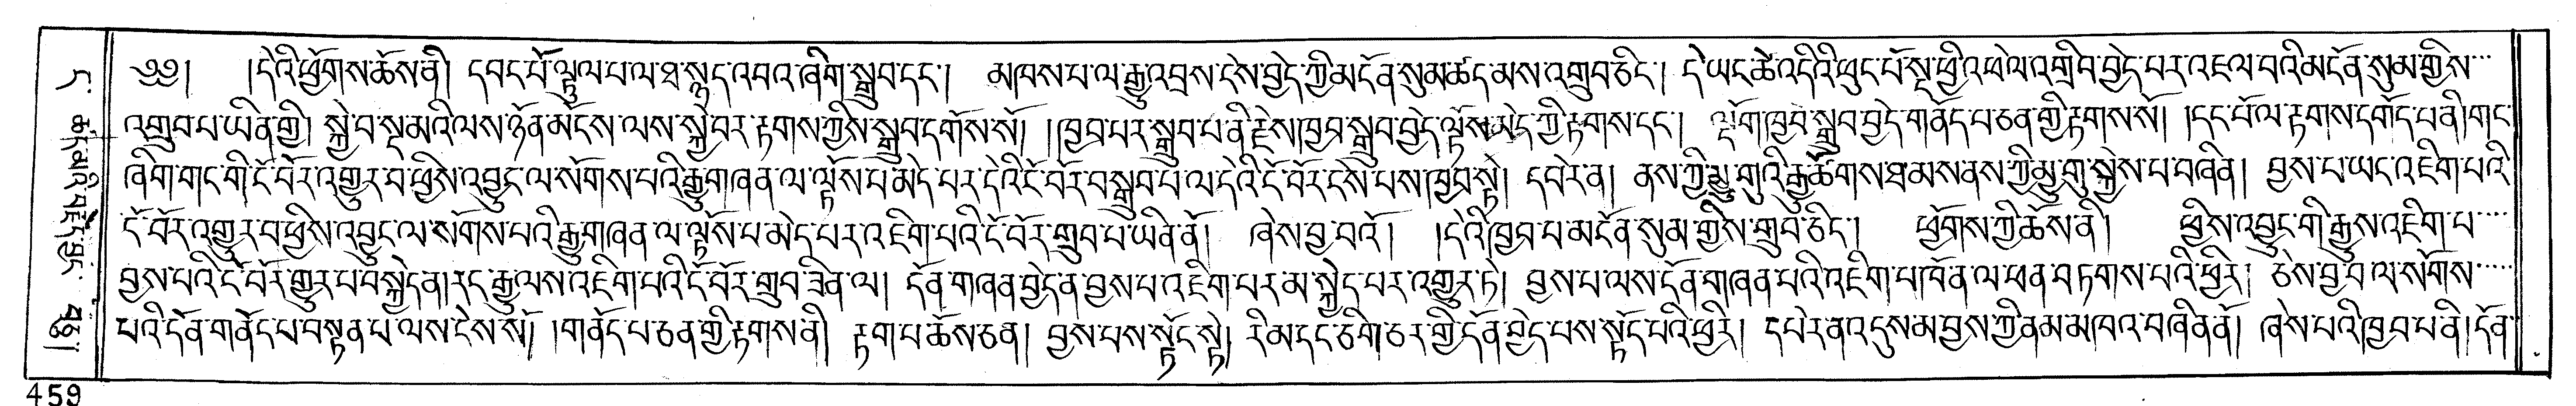༄༅། །དེའི་ཕྱོགས་ཆོས་ནི། དབང་པོ་རྟུལ་པོ་ལ་ཐ་སྙད་འབའ་ཞིག་སྒྲུབ་དང་། མཁས་པ་ལ་རྒྱུ་འབྲས་ངེས་བྱེད་ཀྱི་མངོན་སུམ་ཚད་མས་འགྲུབ་ཅིང་། དེ་ཡང་ཚེ་འདིའི་ཕུང་པོ་སྔ་ཕྱི་འཕེལ་འགྲིབ་བྱེད་པར་འཇལ་བའི་མངོན་སུམ་གྱིས་
འགྲུབ་པ་ཡིན་གྱི། སྐྱེ་བ་སྔ་མའི་ལས་ཉོན་སོགས་ལས་སྐྱེ་བར་རྟགས་ཀྱིས་སྒྲུབ་དགོས་སོ། །ཁྱབ་པ་བསྒྲུབ་པ་ནི་རྗེས་ཁྱབ་སྒྲུབ་བྱེད་ལྟོས་མེད་ཀྱི་རྟགས་དང་། ལྡོག་ཁྱབ་སྒྲུབ་བྱེད་གནོད་པ་ཅན་གྱི་རྟགས་སོ། །དང་པོ་ལ་རྟགས་དགོད་པ་ནི། གང་
ཞིག་གང་གི་ངོ་བོར་འགྱུར་བ་ཕྱིས་འབྱུང་ལ་སོགས་པའི་རྒྱུ་གཞན་ལ་ལྟོས་པ་མེད་པར་དེའི་ངོ་བོར་བསྒྲུབ་པ་ལ་དེའི་ངོ་བོར་ངེས་པས་ཁྱབ་སྟེ། དཔེར་ན། ནས་ཀྱི་མྱུ་གུའི་རྒྱུ་ཚོགས་ཐ་མས་ནས་ཀྱི་མྱུ་གུ་སྐྱེས་པ་བཞིན། བྱས་པ་ཡང་འཇིག་པའི་
ངོ་བོར་འགྱུར་བ་ཕྱིས་འབྱུང་ལ་སོགས་པའི་རྒྱུ་གཞན་ལ་ལྟོས་པ་མེད་པར་འཇིག་པའི་ངོ་བོར་གྲུབ་པ་ཡིན་ནོ། ཞེས་བྱ་བའོ། །དེའི་ཁྱབ་པ་མངོན་སུམ་གྱིས་གྲུབ་ཅིང་། ཕྱོགས་ཀྱི་ཆོས་ནི། ཕྱིས་འབྱུང་གི་རྒྱུས་འཇིག་བ་
བྱས་པའི་ངོ་བོར་གྱུར་པ་བསྐྱེད་ན། རང་རྒྱུ་ལས་འཇིག་པའི་ངོ་བོར་གྲུབ་ཟིན་ལ། དོན་གཞན་བྱེད་ན་བྱས་པ་འཇིག་པར་མ་སྐྱེད་པར་འགྱུར་ཏེ། བྱས་པ་ལས་དོན་གཞན་པའི་འཇིག་པ་ཁོ་ན་ལ་ཕན་བཏགས་པའི་ཕྱིར། ཅེས་བྱ་བ་ལ་སོགས་
པའི་དོན་གནོད་པ་བསྟན་པ་ལས་ངེས་སོ། །གནོད་པ་ཅན་གྱི་རྟགས་ནི། རྟག་པ་ཆོས་ཅན། བྱས་པས་སྟོང་སྟེ། རིམ་དང་ཅིག་ཅར་གྱི་དོན་བྱེད་པས་སྟོང་བའི་ཕྱིར། དཔེར་ན་འདུས་མ་བྱས་ཀྱི་ནམ་མཁའ་བཞིན་ནོ། ཞེས་པའི་ཁྱབ་པ་ནི། དོན་